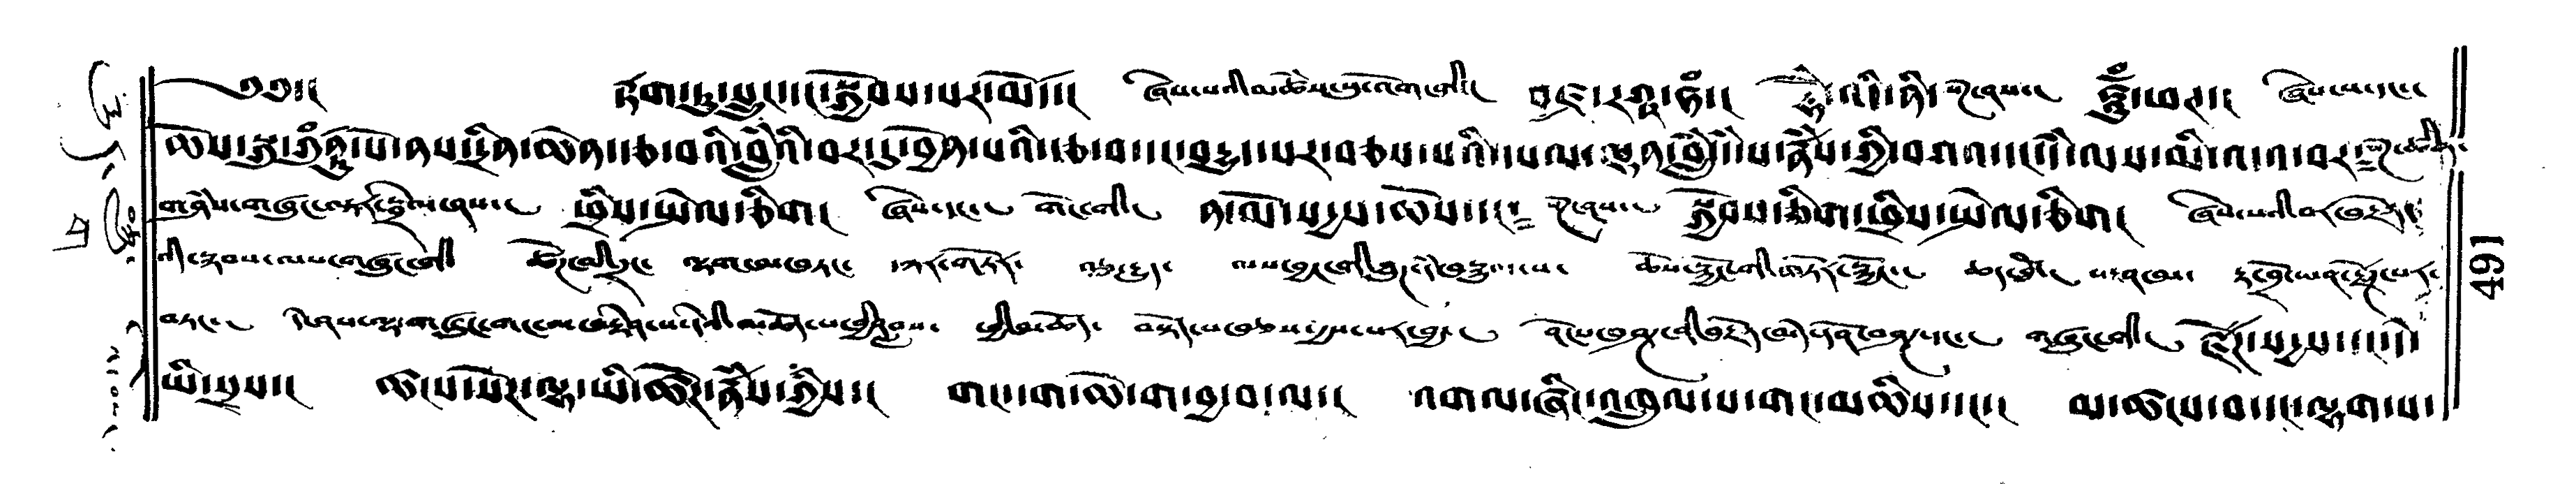རྟག་ཏུ་སྲུང་དང་སྐྱོབས་པར་མཛོད། ཞེས་པའི་མཚམས་སུ་འོག་གི བཛྲ་རཀྵ་ཧཾ། རྡོ་རྗེ་འདི་ནི་༴ སོགས་ནས་ཧཱུྂ་ཕཊཿ ཞེས་པ་དང་། 
ཆོས་སྐུ་ཀུན་ཏུ་བཟང་པོ་ནས་དྲིན་ཆེན་རྩ་བའི་བླ་མའི་བར་དུ་བྱོན་པའི་རྩ་བ་དང་བརྒྱུད་པར་བཅས་པའི་དཔལ་ལྡན་བླ་མ་དམ་པ་རྣམས་ཀྱི་བཀའ་དང་དམ་ལས་མི་འདའ་བར༴སོགས་ཚིག་
གཤམས་གཞུང་ལྟར་སྦྲེལ་ནས། ཕྲིན་ལས་སྤེལ་ཅིག ཞེས་དང་། གོང་གི ན་མོ་སངས་རྒྱས་ཆོས་དང༴ སོགས་ནས་སྐྱོབས་ཅིག་ཕྲིན་ལས་སྤེལ་ཅིག ཞེས་པའི་བར་བརྗོད། 
འདི་སྐབས་ལས་གཞུང་གི ཚོགས་མི་དྲང་། ལྷག་མ་བཏང་། དཀར་གཏོར། རྩ་རྒྱུད། ལས་བྱང་གི་ཐུགས་དམ་བསྐུལ་པ། ཆོས་སྐྱོང་གི་གཏོར་སྐྱོང་། ཆད་ཐོ། བརྟན་མ། རྟ་བྲོ་ཡན་རྫོགས་པར་
བཏང་། དེ་ནས་ལྷ་གཞུང་ལ་བརྟེན་པ་དེའི་མཆོད་པ་བྱིན་རླབས། ཕྱི་མཆོད། བསྟོད་པ་བཅས་རྒྱས་པར་བྱ། ནོངས་བཤགས་ནི་བརྗོད་མེད་དོན་བཤགས་དང་། གཞུང་གི རྫོགས་སངས་རྒྱས་དང་དེ་
ཡི་སྲས། །ཚངས་སོགས་ལྷ་ཡི་ཚོགས་རྣམས་ཀྱིས། །གང་དག་ཆོ་ག་བྱ་བ་ལ། །འགལ་ཞིང་འཁྲུལ་པ་གང་མཆིས་དང་། །མ་ཚང་བ་དང་ལྷག་པ་